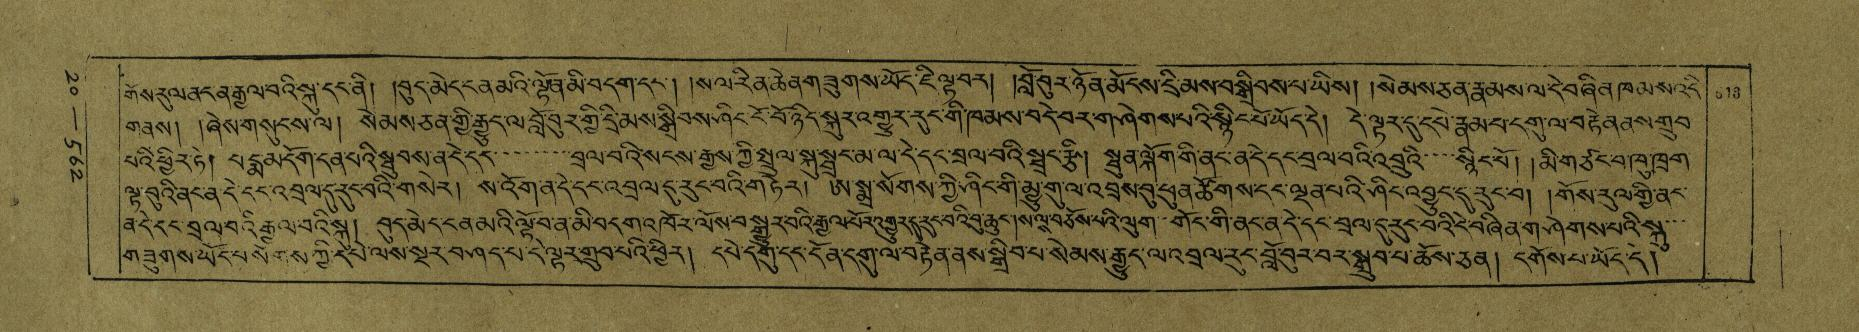གོས་རུལ་ནང་ན་རྒྱལ་བའི་སྐུ་དང་ནི། །བུད་མེད་ངན་མའི་ལྷོ་ན་མི་བདག་དང་། །ས་ལ་རིན་ཆེན་གཟུགས་ཡོད་ཇི་ལྟ་བར། །བློ་བུར་ཉོན་མོངས་དྲི་མས་བསྒྲིབས་པ་ཡིས། །སེམས་ཅན་རྣམས་ལ་དེ་བཞིན་ཁམས་འདི་
གནས། །ཞེས་གསུངས་ལ། སེམས་ཅན་གྱི་རྒྱུད་ལ་བློ་བུར་གྱི་དྲི་མས་སྒྲིབས་ཤིང་ངོ་བོ་ཉིད་སྐུར་འགྱུར་རུང་གི་ཁམས་བདེ་བར་གཤེགས་པའི་སྙིང་པོ་ཡོད་དེ། དེ་ལྟར་དུ་དཔེ་རྣམ་པ་དགུ་ལ་བརྟེན་ནས་གྲུབ་
པའི་ཕྱིར་ཏེ། པདམ་མདོག་ངན་པའི་སྦུབས་ན་དེ་དང་བྲལ་བའི་སངས་རྒྱས་ཀྱི་སྤྲུལ་སྐུ་སྦྲང་མ་ལ་དེ་དང་བྲལ་བའི་སྦྲང་རྩི། སྦུན་ལྐོག་གི་ནང་ན་དེ་དང་བྲལ་བའི་འབྲུའི་སྙིང་པོ། །མི་གཙང་བ་ཁུ་ཁྲག་
ལྟ་བུའི་ནང་ན་དེ་དང་འབྲལ་དུ་རུང་བའི་གསེར། ས་འོག་ན་དེ་དང་འབྲལ་དུ་རུང་བའི་གཏེར། ཨ་སྨྲ་སོགས་ཀྱི་ཤིང་གི་མྱུ་གུ་ལ་འབྲས་བུ་ཕུན་ཚོགས་དང་ལྡན་པའི་ཤིང་འབྱུང་དུ་རུང་བ། །གོས་རུལ་གྱི་ནང་
ན་དེ་དང་བྲལ་བའི་རྒྱལ་བའི་སྐུ། བུད་མེད་ངན་མའི་ལྟོ་བ་ན་མི་བདག་འཁོར་ལོས་བསྒྱུར་བའི་རྒྱལ་པོར་འགྱུར་དུ་རུང་བའི་བུ་ཆུང་། ས་ལས་བཅོས་པའི་ལུག་གོང་གི་ནང་ན་དེ་དང་བྲལ་དུ་རུང་བའི་དེ་བཞིན་གཤེགས་པའི་སྐུ་
གཟུགས་ཡོད་པ་སོགས་ཀྱི་དཔེ་ལས་སྔར་བཤད་པ་དེ་ལྟར་གྲུབ་པའི་ཕྱིར། དཔེ་དགུ་དང་དོན་དགུ་ལ་བརྟེན་ནས་སྒྲིབ་པ་སེམས་རྒྱུད་ལ་འབྲལ་རུང་བློ་བུར་བར་སྒྲུབ་པ་ཆོས་ཅན། དགོས་པ་ཡོད་དེ།